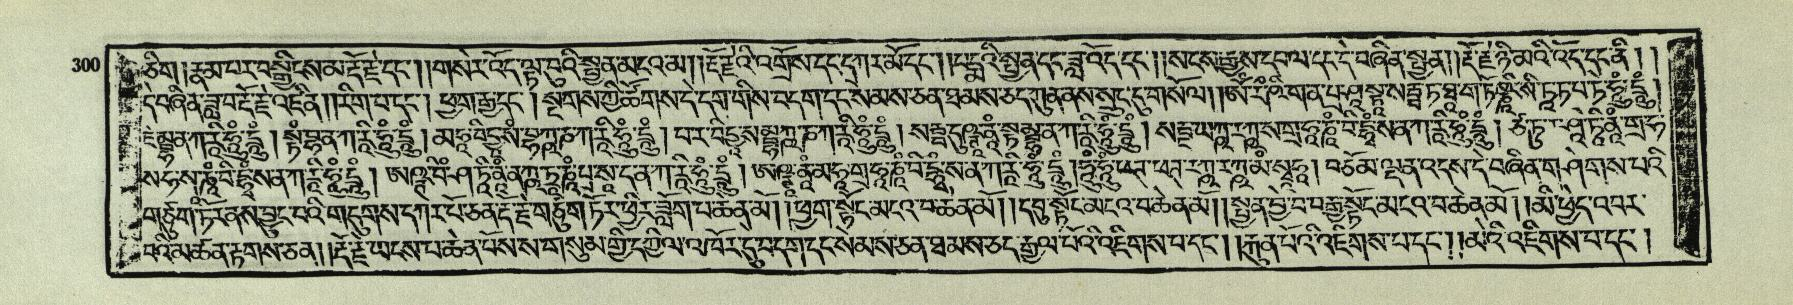ཅིག །རྣམ་པར་བསྒྱིངས་མ་རྡོ་རྗེ་དང་། །གསེར་འོད་ལྟ་བུའི་སྤྱན་མངའ་མ། །རྡོ་རྗེའི་འགྲོས་དང་དཀར་མོ་དང་། །པདམའི་སྤྱན་དང་ཟླ་འོད་དང་། །སངས་རྒྱས་དཔལ་དང་དེ་བཞིན་སྤྱན། །རྡོ་རྗེ་ཉི་མའི་འོད་དང་ནི། །
དེ་བཞིན་ཟླ་བ་རྡོ་རྗེ་འཛིན། །རིག་པ་དང་། ཕྱག་རྒྱ་དང་། སྔགས་ཀྱི་ཚོགས་དེ་དག་གིས་བདག་དང་སེམས་ཅན་ཐམས་ཅད་ཀུན་ནས་སྲུང་དུ་གསོལ། །ཨོཾ་རྀ་ཥི་ག་ན་པྲ་ཤཱ་སྟཱ་སརྦྦ་ཏ་ཐཱ་ག་ཏོཥྞཱི་སི་ཏཱ་ཏ་པ་ཏེ་ཧཱུཾ་དྲཱུཾ།
ཛེ་མྦྷན་ཀ་རཱི་ཧཱུཾ་དྲཱུཾ། སྟཾ་བྷ་ན་ཀ་རཱི་ཧཱུཾ་དྲཱུཾ། མ་ཧཱ་བིདྱཱ་སཾ་བྷཀྵ་ཎ་ཀ་རཱི་ཧཱུཾ་དྲཱུཾ། པ་ར་བིདྱཱ་སམྦྷཀྵ་ཎ་ཀ་རཱི་ཧཱུཾ་དྲཱུཾ། སརྦྦ་དུཥྚའ་ནའཾཨའ་སྟམྦྷ་ན་ཀ་རཱི་ཧཱུཾ་དྲཱུཾ། སརྦྦ་ཡཀྵ་རཀྵ་ས་གྲ་ཧཱ་ཎཱཾ་བི་དྷྭཾ་ས་ན་ཀ་རཱི་ཧཱུཾ་དྲཱུཾ། ཙ་ཏུ་ར་ཤE་ཏཱི་ནཱཾ་གྲ་ཧ་
སཧ་སྭཱ་ཎཱཾ་བི་དྷྭཾ་ས་ན་ཀ་རཱི་ཧཱུཾ་དྲཱུཾ། ཨཥྚ་བིཾ་ཤ་ཏཱི་ནཱཾ་ནཀྵ་ཏྲཱ་ཎཱཾ་པྲ་སཱ་ད་ན་ཀ་རཱི་ཧཱུཾ་དྲཱུཾ། ཨཥྚཱ་ནཱཾ་མཧཱ་གྲ་ཧཱ་ཎཱཾ་བི་དྷྭཾ་ས་ན་ཀ་རཱི་ཧཱུཾ་དྲཱུཾ། ཧཱུཾ་ཧཱུཾ་ཕཌ་ཕཌ་རཀྵ་རཀྵ་མཾ་སྭཱཧཱ། བཅོམ་ལྡན་འདས་དེ་བཞིན་གཤེགས་པའི་
གཙུག་ཏོར་ནས་བྱུང་བའི་གདུགས་དཀར་པོ་ཅན་རྡོ་རྗེ་གཙུག་ཏོར་ཕྱིར་ཟློག་པ་ཆེན་མོ། །ཕྱག་སྟོང་མངའ་བ་ཆེན་མོ། །དབུ་སྟོང་མངའ་བ་ཆེན་མོ། །སྤྱན་བྱེ་བ་བརྒྱ་སྟོང་མངའ་བ་ཆེན་མོ། །མི་ཕྱེད་འབར་
བའི་མཚན་རྟགས་ཅན། །རྡོ་རྗེ་ཡངས་པ་ཆེན་པོས་ས་གསུམ་གྱི་དཀྱིལ་འཁོར་དུ་བདག་དང་སེམས་ཅན་ཐམས་ཅད་རྒྱལ་པོའི་འཇིགས་པ་དང་། །རྐུན་པོའི་འཇིགས་པ་དང་། །མེའི་འཇིགས་པ་དང་།